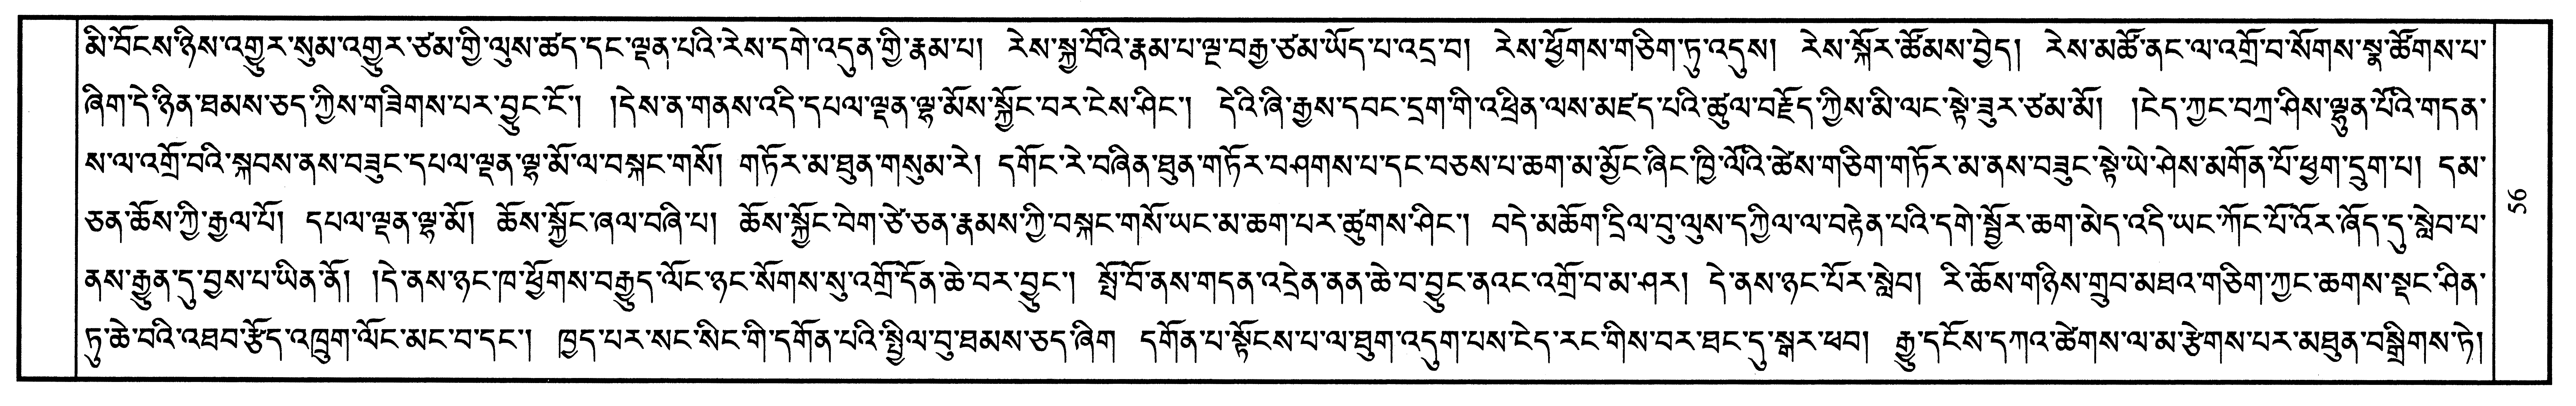མི་བོངས་ཉིས་འགྱུར་སུམ་འགྱུར་ཙམ་གྱི་ལུས་ཚད་དང་ལྡན་པའི་རེས་དགེ་འདུན་གྱི་རྣམ་པ། རེས་སྐྱ་བོའི་རྣམ་པ་ལྔ་བརྒྱ་ཙམ་ཡོད་པ་འདྲ་བ། རེས་ཕྱོགས་གཅིག་ཏུ་འདུས། རེས་སྐོར་ཚོམས་བྱེད། རེས་མཚོ་ནང་ལ་འགྲོ་བ་སོགས་སྣ་ཚོགས་པ་
ཞིག་དེ་ཉིན་ཐམས་ཅད་ཀྱིས་གཟིགས་པར་བྱུང་ངོ། །དེས་ན་གནས་འདི་དཔལ་ལྡན་ལྷ་མོས་སྐྱོང་བར་ངེས་ཤིང་། དེའི་ཞི་རྒྱས་དབང་དྲག་གི་འཕྲིན་ལས་མཛད་པའི་ཚུལ་བརྗོད་ཀྱིས་མི་ལང་སྟེ་ཟུར་ཙམ་མོ། །ངེས་ཀྱང་བཀྲ་ཤིས་ལྷུན་པོའི་གདན་
ས་ལ་འགྲོ་བའི་སྐབས་ནས་བཟུང་དཔལ་ལྡན་ལྷ་མོ་ལ་བསྐང་གསོ། གཏོར་མ་ཐུན་གསུམ་རེ། དགོང་རེ་བཞིན་ཐུན་གཏོར་བཤགས་པ་དང་བཅས་པ་ཆག་མ་མྱོང་ཞིང་ཁྱི་ལོའི་ཚེས་གཅིག་གཏོར་མ་ནས་བཟུང་སྟེ་ཡེ་ཤེས་མགོན་པོ་ཕྱག་དྲུག་པ། དམ་
ཅན་ཆོས་ཀྱི་རྒྱལ་པོ། དཔལ་ལྡན་ལྷ་མོ། ཆོས་སྐྱོང་ཞལ་བཞི་པ། ཆོས་སྐྱོང་བེག་ཙེ་ཅན་རྣམས་ཀྱི་བསྐང་གསོ་ཡང་མ་ཆག་པར་ཚུགས་ཤིང་། བདེ་མཆོག་དྲིལ་བུ་ལུས་དཀྱིལ་ལ་བརྟེན་པའི་དགེ་སྦྱོར་ཆག་མེད་འདི་ཡང་ཀོང་པོ་འོར་ཞོད་དུ་སླེབ་པ་
ནས་རྒྱུན་དུ་བྱས་པ་ཡིན་ནོ། །དེ་ནས་ཉང་ཁ་ཕྱོགས་བརྒྱུད་ལོང་ཉང་སོགས་སུ་འགྲོ་དོན་ཆེ་བར་བྱུང་། སྤོ་བོ་ནས་གདན་འདྲེན་ནན་ཆེ་བ་བྱུང་ནའང་འགྲོ་བ་མ་ཤར། དེ་ནས་ཉང་པོར་སླེབ། རི་ཆོས་གཉིས་གྲུབ་མཐའ་གཅིག་ཀྱང་ཆགས་སྡང་ཤིན་
ཏུ་ཆེ་བའི་འཐབ་རྩོད་འཁྲུག་ལོང་མང་བ་དང་། ཁྱད་པར་སང་སིང་གི་དགོན་པའི་སྤྱིལ་བུ་ཐམས་ཅད་ཞིག་དགོན་པ་སྟོངས་པ་ལ་ཐུག་འདུག་པས་ངེད་རང་གིས་བར་ཐང་དུ་སྒར་ཕབ། རྒྱུ་དངོས་དཀའ་ཚེགས་ལ་མ་རྩེགས་པར་མཐུན་བསྒྲིགས་ཏེ།